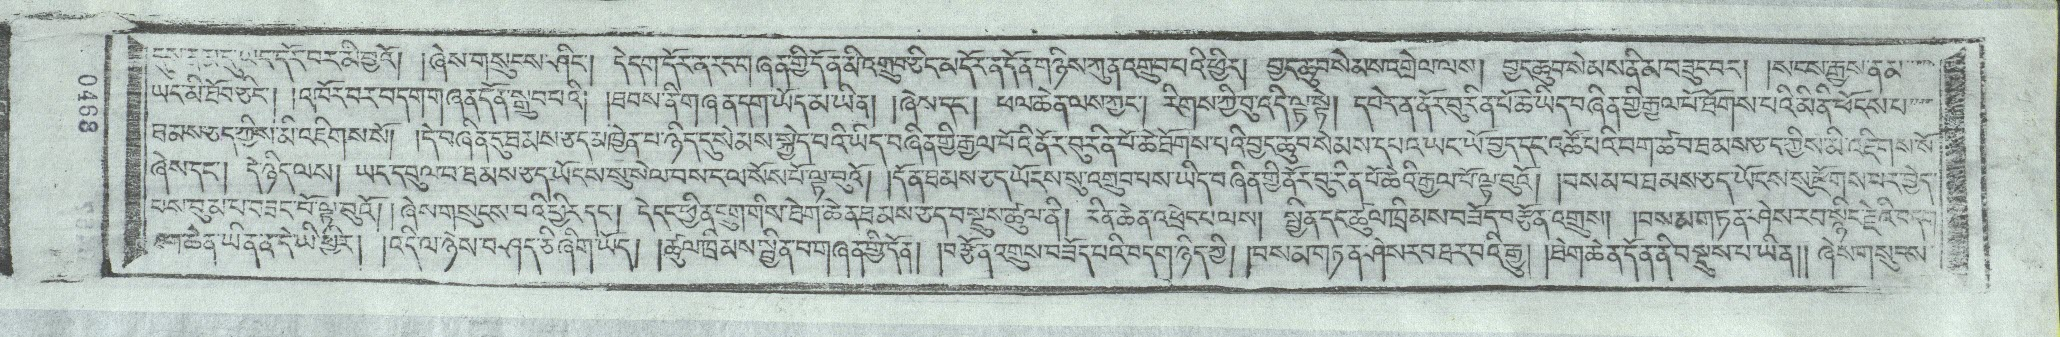དུས་ནམ་དུ་ཡང་དོར་བར་མི་བྱའོ། །ཞེས་གསུངས་ཤིང་། དེ་དག་དོར་ན་རང་གཞན་གྱི་དོན་མི་འགྲུབ་ཅིང་མདོར་ན་དོན་གཉིས་ཀུན་འགྲུབ་པའི་ཕྱིར། བྱང་ཆུབ་སེམས་འགྲེལ་ལས། བྱང་ཆུབ་སེམས་ནི་མ་བཟུང་བར། །སངས་རྒྱས་ནམ་
ཡང་མི་ཐོབ་ཅིང་། །འཁོར་བར་བདག་གཞན་དོན་སྒྲུབ་པའི། །ཐབས་ནི་གཞན་དག་ཡོད་མ་ཡིན། །ཞེས་དང་། ཕལ་ཆེན་ལས་ཀྱང་། རིགས་ཀྱི་བུ་འདི་ལྟ་སྟེ། དཔེར་ན་ནོར་བུ་རིན་པོ་ཆེ་ཡིད་བཞིན་གྱི་རྒྱལ་པོ་ཐོགས་པའི་མི་ནི་ཕོངས་པ་
ཐམས་ཅད་ཀྱིས་མི་འཇིགས་སོ། །དེ་བཞིན་དུ་ཐམས་ཅད་མཁྱེན་པ་ཉིད་དུ་སེམས་སྐྱེད་པའི་ཡིད་བཞིན་གྱི་རྒྱལ་པོའི་ནོར་བུ་རིན་པོ་ཆེ་ཐོགས་པའི་བྱང་ཆུབ་སེམས་དཔའ་ཡང་ཡོ་བྱད་དང་འཚོ་པའི་བག་ཚབ་ཐམས་ཅད་ཀྱིས་མི་འཇིགས་སོ་
ཞེས་དང་། དེ་ཉིད་ལས། ཡང་དབུལ་བ་ཐམས་ཅད་ཡོངས་སུ་སེལ་བས་རལ་སོས་པོ་ལྟ་བུའོ། །དོན་ཐམས་ཅད་ཡོངས་སུ་འགྲུབ་པས་ཡིད་བཞིན་གྱི་ནོར་བུ་རིན་པོ་ཆེའི་རྒྱལ་པོ་ལྟ་བུའོ། །བསམ་པ་ཐམས་ཅད་ཡོངས་སུ་རྫོགས་པར་བྱེད་
པས་བུམ་པ་བཟང་པོ་ལྟ་བུའོ། །ཞེས་གསུངས་པའི་ཕྱིར་དང་། དེ་དང་ཕྱིན་དྲུག་གིས་ཐེག་ཆེན་ཐམས་ཅད་བསྡུས་ཚུལ་ནི། རིན་ཆེན་འཕྲེང་པ་ལས། སྤྱིན་དང་ཚུལ་ཁྲིམས་བཟོད་བརྩོན་འགྲུས། །བསམ་གཏན་ཤེས་རབ་སྙིང་རྗེའི་བདག་
ཐག་ཆེན་ཡིན་ན་དེ་ཡི་ཕྱིར། །འདི་ལ་ཉེས་བཤད་ཅི་ཞིག་ཡོད། །ཚུལ་ཁྲིམས་སྦྱིན་བ་གཞན་གྱི་དོན། །བརྩོན་འགྲུས་བཟོད་པའི་བདག་ཉིད་ཀྱི། །བསམ་གཏན་ཤེས་རབ་ཐར་བའི་རྒྱུ། །ཐེག་ཆེན་དོན་ནི་བསྡུས་པ་ཡིན།། ཞེས་གསུངས་